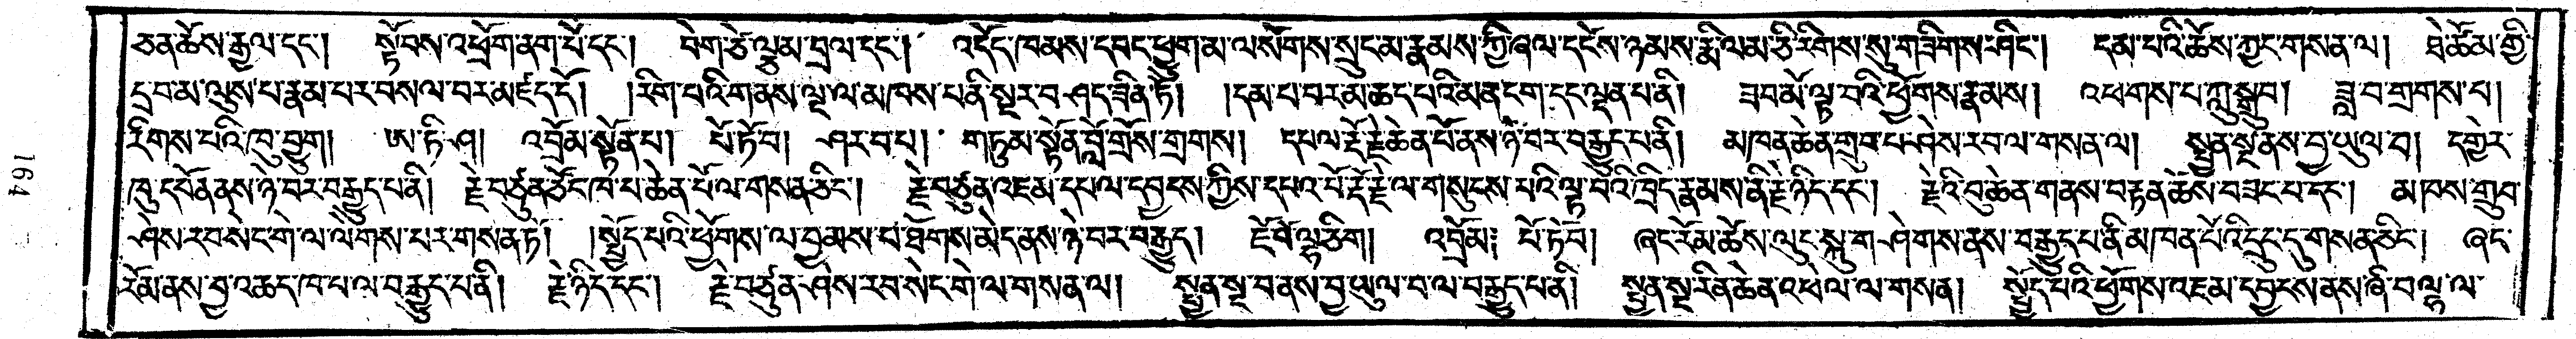ཅན་ཆོས་རྒྱལ་དང་། སྟོབས་འཕྲོག་ནག་པོ་དང་། བེག་ཙེ་ལྕམ་བྲལ་དང་། འདོད་ཁམས་དབང་ཕྱུག་མ་ལ་སོགས་སྲུང་མ་རྣམས་ཀྱི་ཞལ་དངོས་ཉམས་རྨི་ལམ་ཅི་རིགས་སུ་གཟིགས་ཤིང་། དམ་པའི་ཆོས་ཀྱང་གསན་ལ། ཐེ་ཚོམ་གྱི་
དྲ་བ་མ་ལུས་པ་རྣམ་པར་བསལ་བར་མཛད་དོ། །རིག་པའི་གནས་ལྔ་ལ་མཁས་པ་ནི་སྔར་བཤད་ཟིན་ཏོ། །དམ་པ་བར་མ་ཆད་པའི་མན་ངག་དང་ལྡན་པ་ནི། ཟབ་མོ་ལྟ་བའི་ཕྱོགས་རྣམས། འཕགས་པ་ཀླུ་སྒྲུབ། ཟླ་བ་གྲགས་པ།
རིགས་པའི་ཁུ་བྱུག། ཨ་ཏི་ཤ། འབྲོམ་སྟོན་པ། པོ་ཏོ་བ། ཤར་བ་པ། གཏུམ་སྟོན་བློ་གྲོས་གྲགས། དཔལ་རྡོ་རྗེ་ཆེན་པོ་ནས་ཉེ་བར་བརྒྱུད་པ་ནི། མཁན་ཆེན་གྲུབ་པ་ཤེས་རབ་ལ་གསན་ལ། སྤྱན་སྔ་ནས་བྱ་ཡུལ་བ། དགྱེར་
ཁུ་དཔོན་ནས་ཉེ་བར་བརྒྱུད་པ་ནི། རྗེ་བཙུན་ཙོང་ཁ་པ་ཆེན་པོ་ལ་གསན་ཅིང་། རྗེ་བཙུན་འཇམ་དཔལ་དབྱངས་ཀྱིས་དཔའ་བོ་རྡོ་རྗེ་ལ་གསུངས་པའི་ལྟ་བའི་ཁྲིད་རྣམས་ནི་རྗེ་ཉིད་དང་། རྗེའི་བུ་ཆེན་གནས་བརྟན་ཆོས་བཟང་པ་དང་། མཁས་གྲུབ་
ཤེས་རབ་སེང་གེ་ལ་ལེགས་པར་གསན་ཏོ། །སྤྱོད་པའི་ཕྱོགས་ལ་བྱམས་པ་ཐོགས་མེད་ནས་ཉེ་བར་བརྒྱུད། ཇོ་བོ་ལྷ་ཅིག། འབྲོམ། པོ་ཏོབ། ཞང་རོམ་ཚེས་ལུང་སྐུ་གཤེགས་ནས་བརྒྱུད་པ་ནི་མཁན་པོའི་དྲུང་དུ་གསན་ཅིང་། ཞང་
རོམ་ནས་བྱ་འཆད་ཁ་པ་ལ་བརྒྱུད་པ་ནི། རྗེ་ཉིད་དང་། རྗེ་བཙུན་ཤེས་རབ་སེང་གེ་ལ་གསན་ལ། སྤྱན་སྔ་བ་ནས་བྱ་ཡུལ་བ་ལ་བརྒྱུད་པ་ནི། སྤྱན་སྔ་རིན་ཆེན་འཕེལ་ལ་གསན། སྤྱོད་པའི་ཕྱོགས་འཇམ་དབྱངས་ནས་ཞི་བླྷ་ལ་